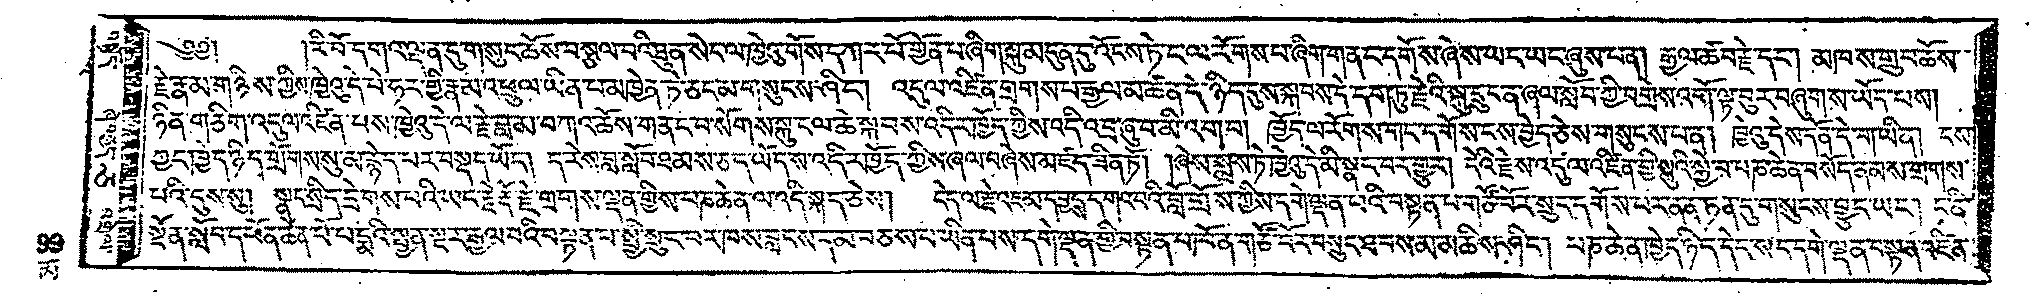༄༅། །རི་བོ་དགའ་ལྡན་དུ་གསུང་ཆོས་བསྩལ་བའི་ཐུན་སེང་ལ་ཁྱེའུ་གོས་དཀར་པོ་གྱོན་པ་ཞིག་སྐུ་མདུན་དུ་འོངས་ཏེ་ང་ལ་རོགས་པ་ཞིག་གནང་དགོས་ཞེས་ཡང་ཡང་ཞུས་པ་ན། རྒྱལ་ཚབ་རྗེ་དང་། མཁས་གྲུབ་ཆོས་
རྗེ་རྣམ་གཉིས་ཀྱིས་ཁྱེའུ་དེ་པེ་ཧར་གྱི་རྣམ་འཕྲུལ་ཡིན་པ་མཁྱེན་ཏེ་ཅང་མ་གསུངས་ཤིང་། འདུལ་འཛིན་གྲགས་པ་རྒྱལ་མཚན་དེ་ཉིད་དུས་སྐབས་དེ་དག་ཏུ་རྗེའི་སྐུ་དྲུང་ན་ཞལ་སློབ་ཀྱི་བགྲེས་འགོ་ལྟ་བུར་བཞུགས་ཡོད་པས།
ཉིན་གཅིག་འདུལ་འཛིན་པས་ཁྱེའུ་དེ་ལ་རྗེ་བླ་མ་བཀའ་ཆོས་གནང་བ་སོགས་སྐུ་ངལ་ཆེ་སྐབས་འདིར་ཁྱོད་ཀྱིས་འདི་འབྲ་ཞུ་བ་མི་འགབ། ཁྱོད་ལ་རོགས་གང་དགོས་ངས་བྱེད་ཅེས་གསུངས་པ་ན། ཁྱེའུ་དེས་དོན་དེ་ག་ཡིན། ངས་
ཀྱང་ཁྱེད་ཉིད་གྲོགས་སུ་མ་རྙེད་པར་བསྡད་ཡོད། ད་རེས་བླ་སློབ་ཐམས་ཅད་ཡོད་ས་འདིར་ཁྱོད་ཀྱིས་ཞལ་བཞེས་མཛད་ཟིན་ཏོ། །ཞེས་སྨྲས་ཏེ་ཁྱེའུ་དེ་མི་སྣང་བར་གྱུར། དེའི་རྗེས་འདུལ་འཛིན་གྱི་སྐུའི་སྐྱེ་བ་པཎ་ཆེན་བསོད་ནམས་གྲགས་
པའི་དུས་སུ། སྣང་སྲིད་དྲེགས་པའི་ཡང་རྗེ་རྡོ་རྗེ་གྲགས་ལྡན་གྱིས་པཎ་ཆེན་ལ་འདི་སྐད་ཅེས། ངེད་ལ་རྗེ་འཇམ་དབྱངས་དགའ་བའི་བློ་གྲོས་ཀྱིས་དགེ་ལྡན་པའི་བསྟན་པ་གཙོ་བོར་སྲུང་དགོས་པར་ནན་ཏན་དུ་གསུངས་བྱུང་ཡང་། ང་ནི་
སྔོན་སློབ་དཔོན་ཆེན་པོ་པདམའི་སྤྱན་སྔར་རྒྱལ་བའི་བསྟན་པ་སྤྱི་སྲུང་བར་ཁས་བླངས་དམ་བཅས་པ་ཡིན་པས་དགེ་ལྡན་གྱི་བསྟན་པ་ཁོ་ན་གཙོ་བོར་བསྲུང་ཐབས་མ་མཆིས་ཤིང་། པཎ་ཆེན་ཁྱེད་ཉིད་དེང་སང་དགེ་ལྡན་བསྟན་འཛིན་